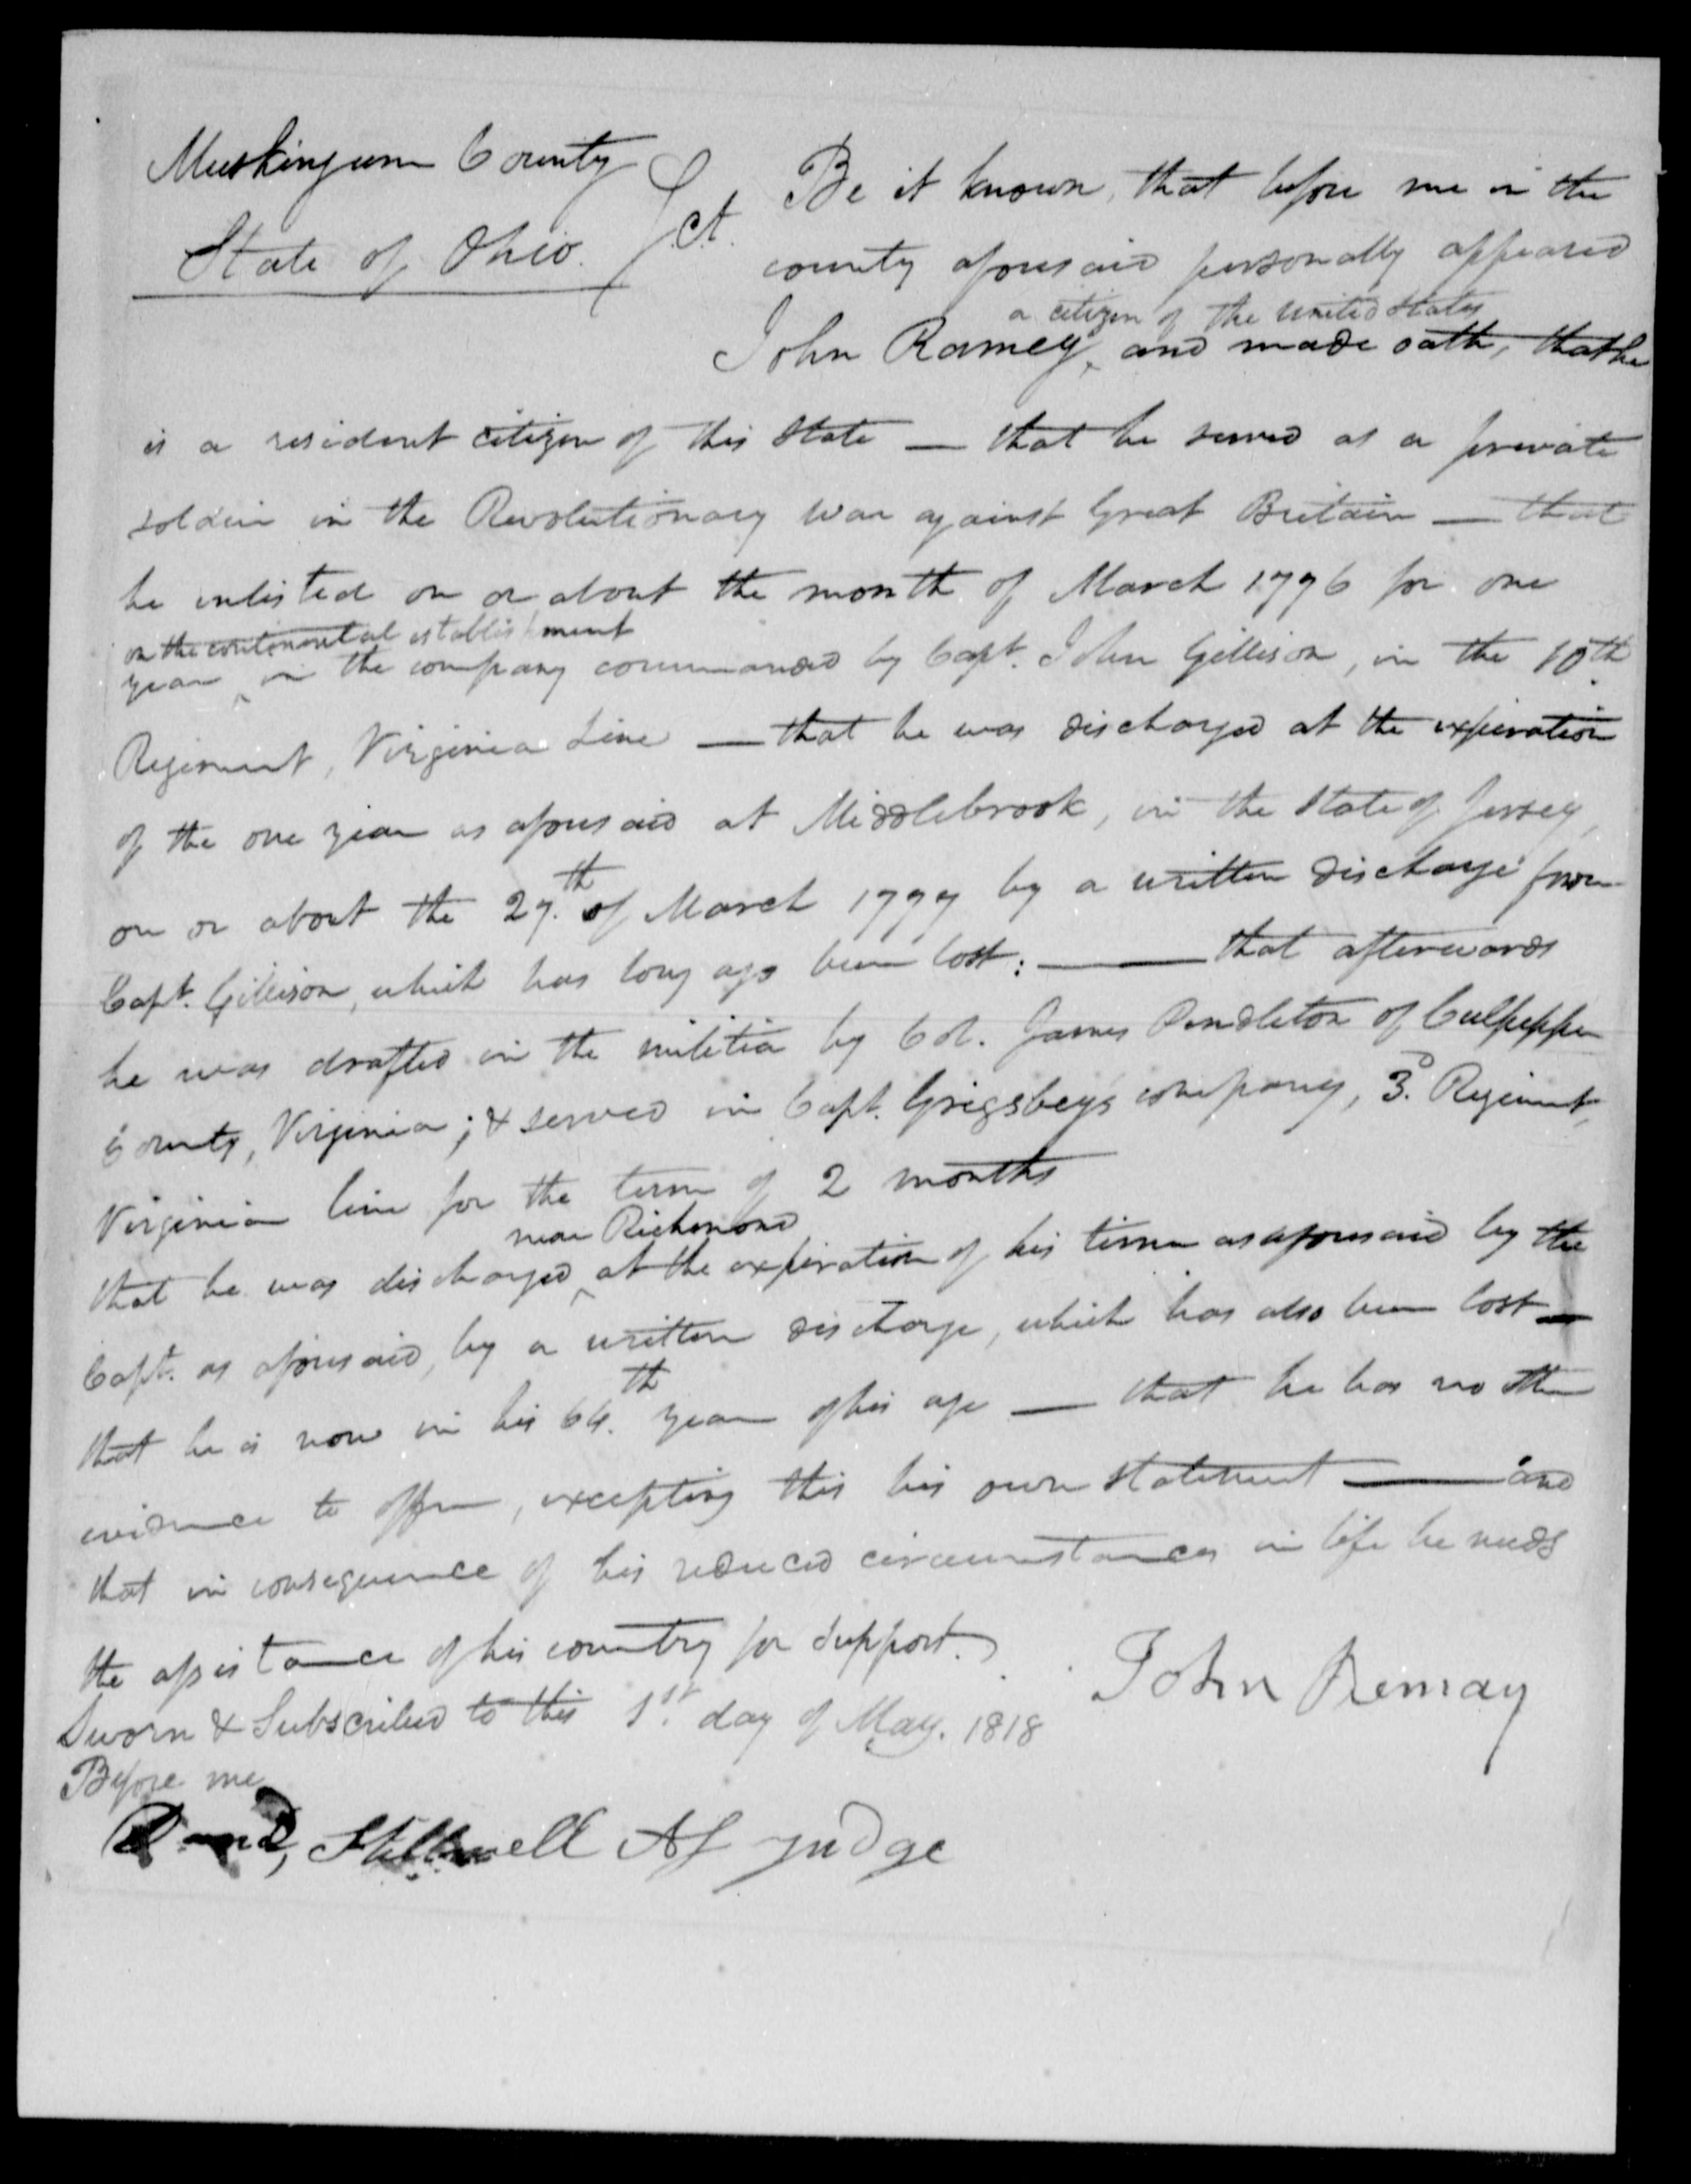Muskingum County Be it known that before me
State of Ohio Sct. in the county aforesaid personally appeared John Ramey a citizen of the United States and made oath, that he is a resident citizen of this state - that he served as a private soldier in the Revolutionary War against Great Britain - that he enlisted on or about the month of March 1776 for one year on the continental establishment in the company commanded by Capt. John Gillison, in the 10th Regiment, Virginia Line - that he was discharged at the expiration of the one year as aforesaid at Middlebrook, in the State of Jersey on or about the 27th of March 1777 by a written discharge from Capt. Gilison, which has long ago been lost: - That afterwards he was drafted in the militia by Col. James Pendleton of Culpepper County, Virginia; & served in Capt. Grigsbeys company, 3d. Regiment, Virginia line for the term of 2 months
that he was discharged near Richmond at the expiration of his time as aforesaid by the Capt. as aforesaid, by a written discharge, which has also been lost - that he is now in his 64th year of his age - that he has no other evidence to offer, excepting this his own statement - and that in consequence of his reduced circumstances in life he needs the assistance of his country for support.
John Remay
Sworn & Subscribed to this 1st day of May, 1818
Before me
Danl, Stillwell As Judge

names: James Pendleton; John Ramey; [BLANK] Gillison; John Remay; John Gillison; Danl Stillwell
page: 6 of 84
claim: widow's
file: W.11104, for John Remay, Virginia